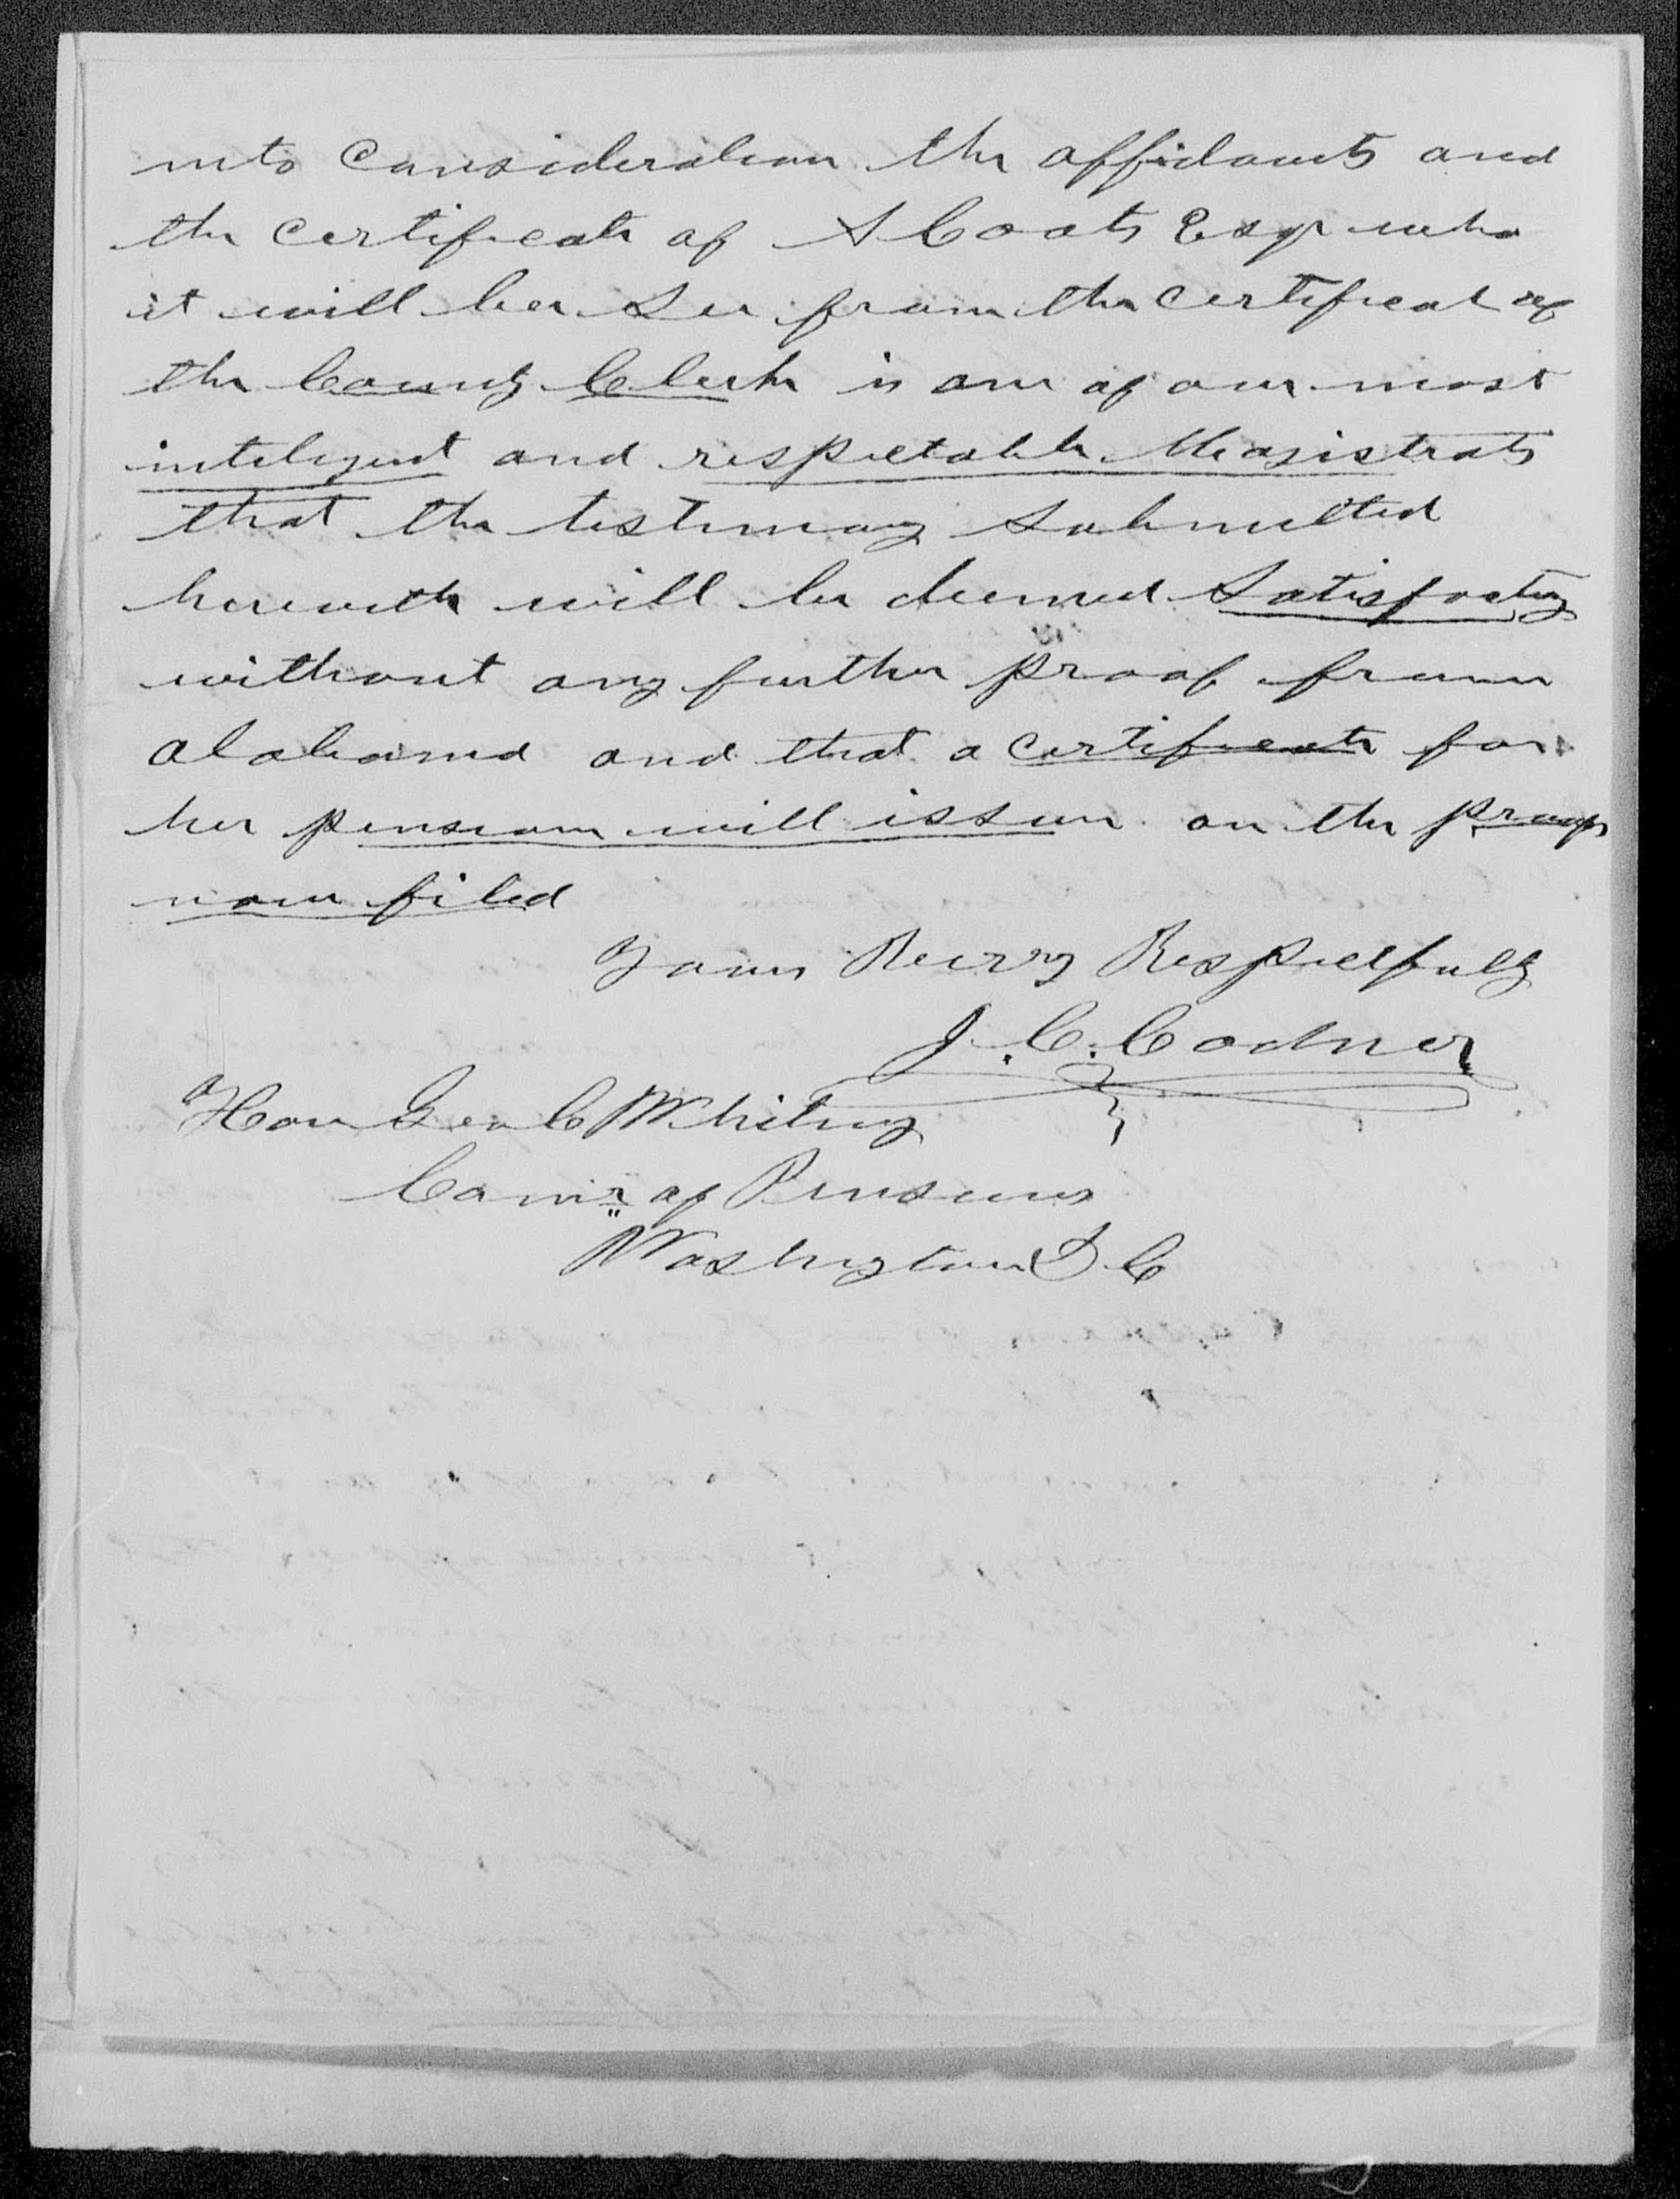into consideration the applicants and the certificate of A. Coats Esq who it will be see from the certificate of the County Clerk is one of our most intelligent and respectable magistrates that the testimony submitted herewith will be deemed satisfactory  without any further proof from Alabama and that a certificate for her pension will be issued on the proof now filed
Yours very Respectfully
J. C. Codner

Hon Geo C. Whiting
Commr of Pensions
Washington DC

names: A Coats, Geo C Whiting, J C Codner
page: 61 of 86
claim: widow's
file: W. 6899, James Carrell, N.C.